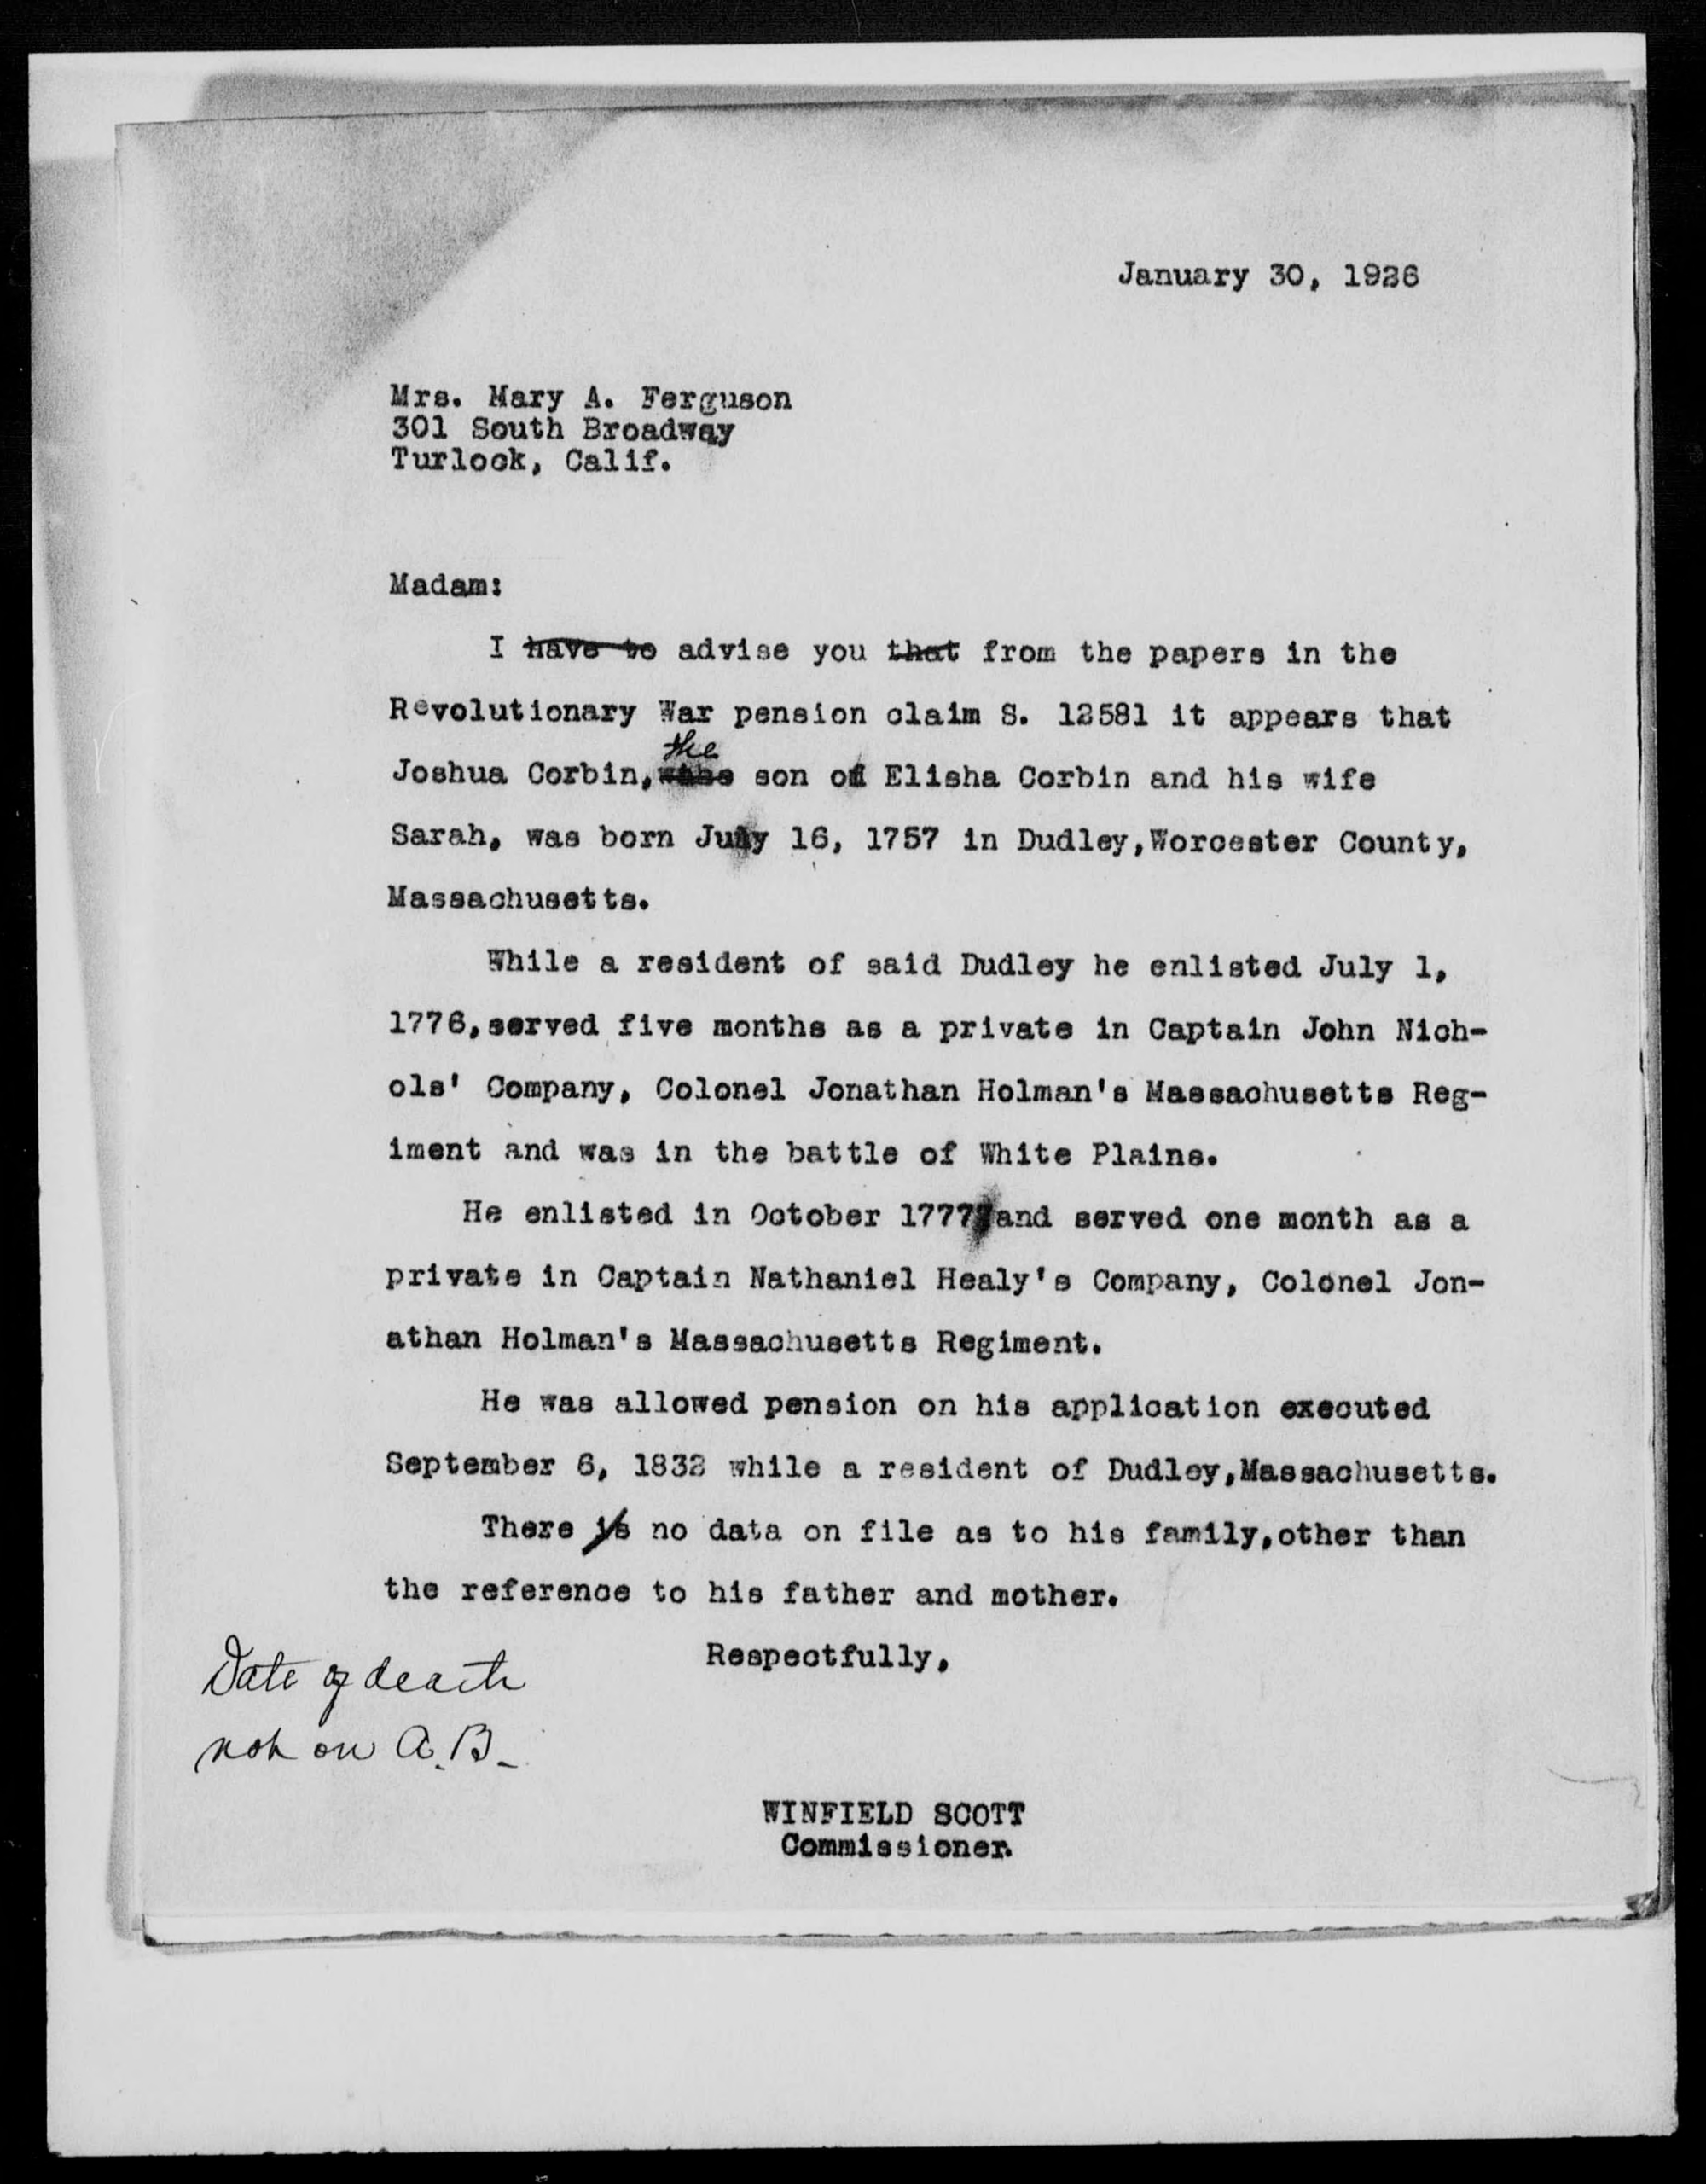January 30, 1926
Mrs. Mary A. Ferguson
301 South Broadway
Turlock, Calif.

Madam:
I have to ["have to is crossed out] advise you that from the papers in the Revolutionary War pension claim S. 12581 it appears that Joshua Corbin, the son of Elisha Corbin and his wife
Sarah, was born July 16, 1757 in Dudley, Worcester County, Massachusetts.
While a resident of said Dudley he enlisted July 1,
1776, served five months as a private in Captain John Nichols' Company, Colonel Jonathan Holman's Massachusetts Regiment and was in the battle of White Plains.
He enlisted in October 1777 and served one month as a private in Captain Nathaniel Healy's Company, Colonel Jonathan Holman's Massachusetts Regiment.
He was allowed pension on his application executed September 6, 1832 while a resident of Dudley, Massachusetts.
There is no data on file as to his family, other than the reference to his father and mother.
Respectfully,
WINFIELD SCOTT
Commissioner.
Date of death
not on A.B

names: Joshua Corbin, Mary A Ferguson, Elisha Corbin, Sarah, Winfield Scott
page: 16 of 34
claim: survivor's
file: S. 12581, Joshua Corbin, Mass.